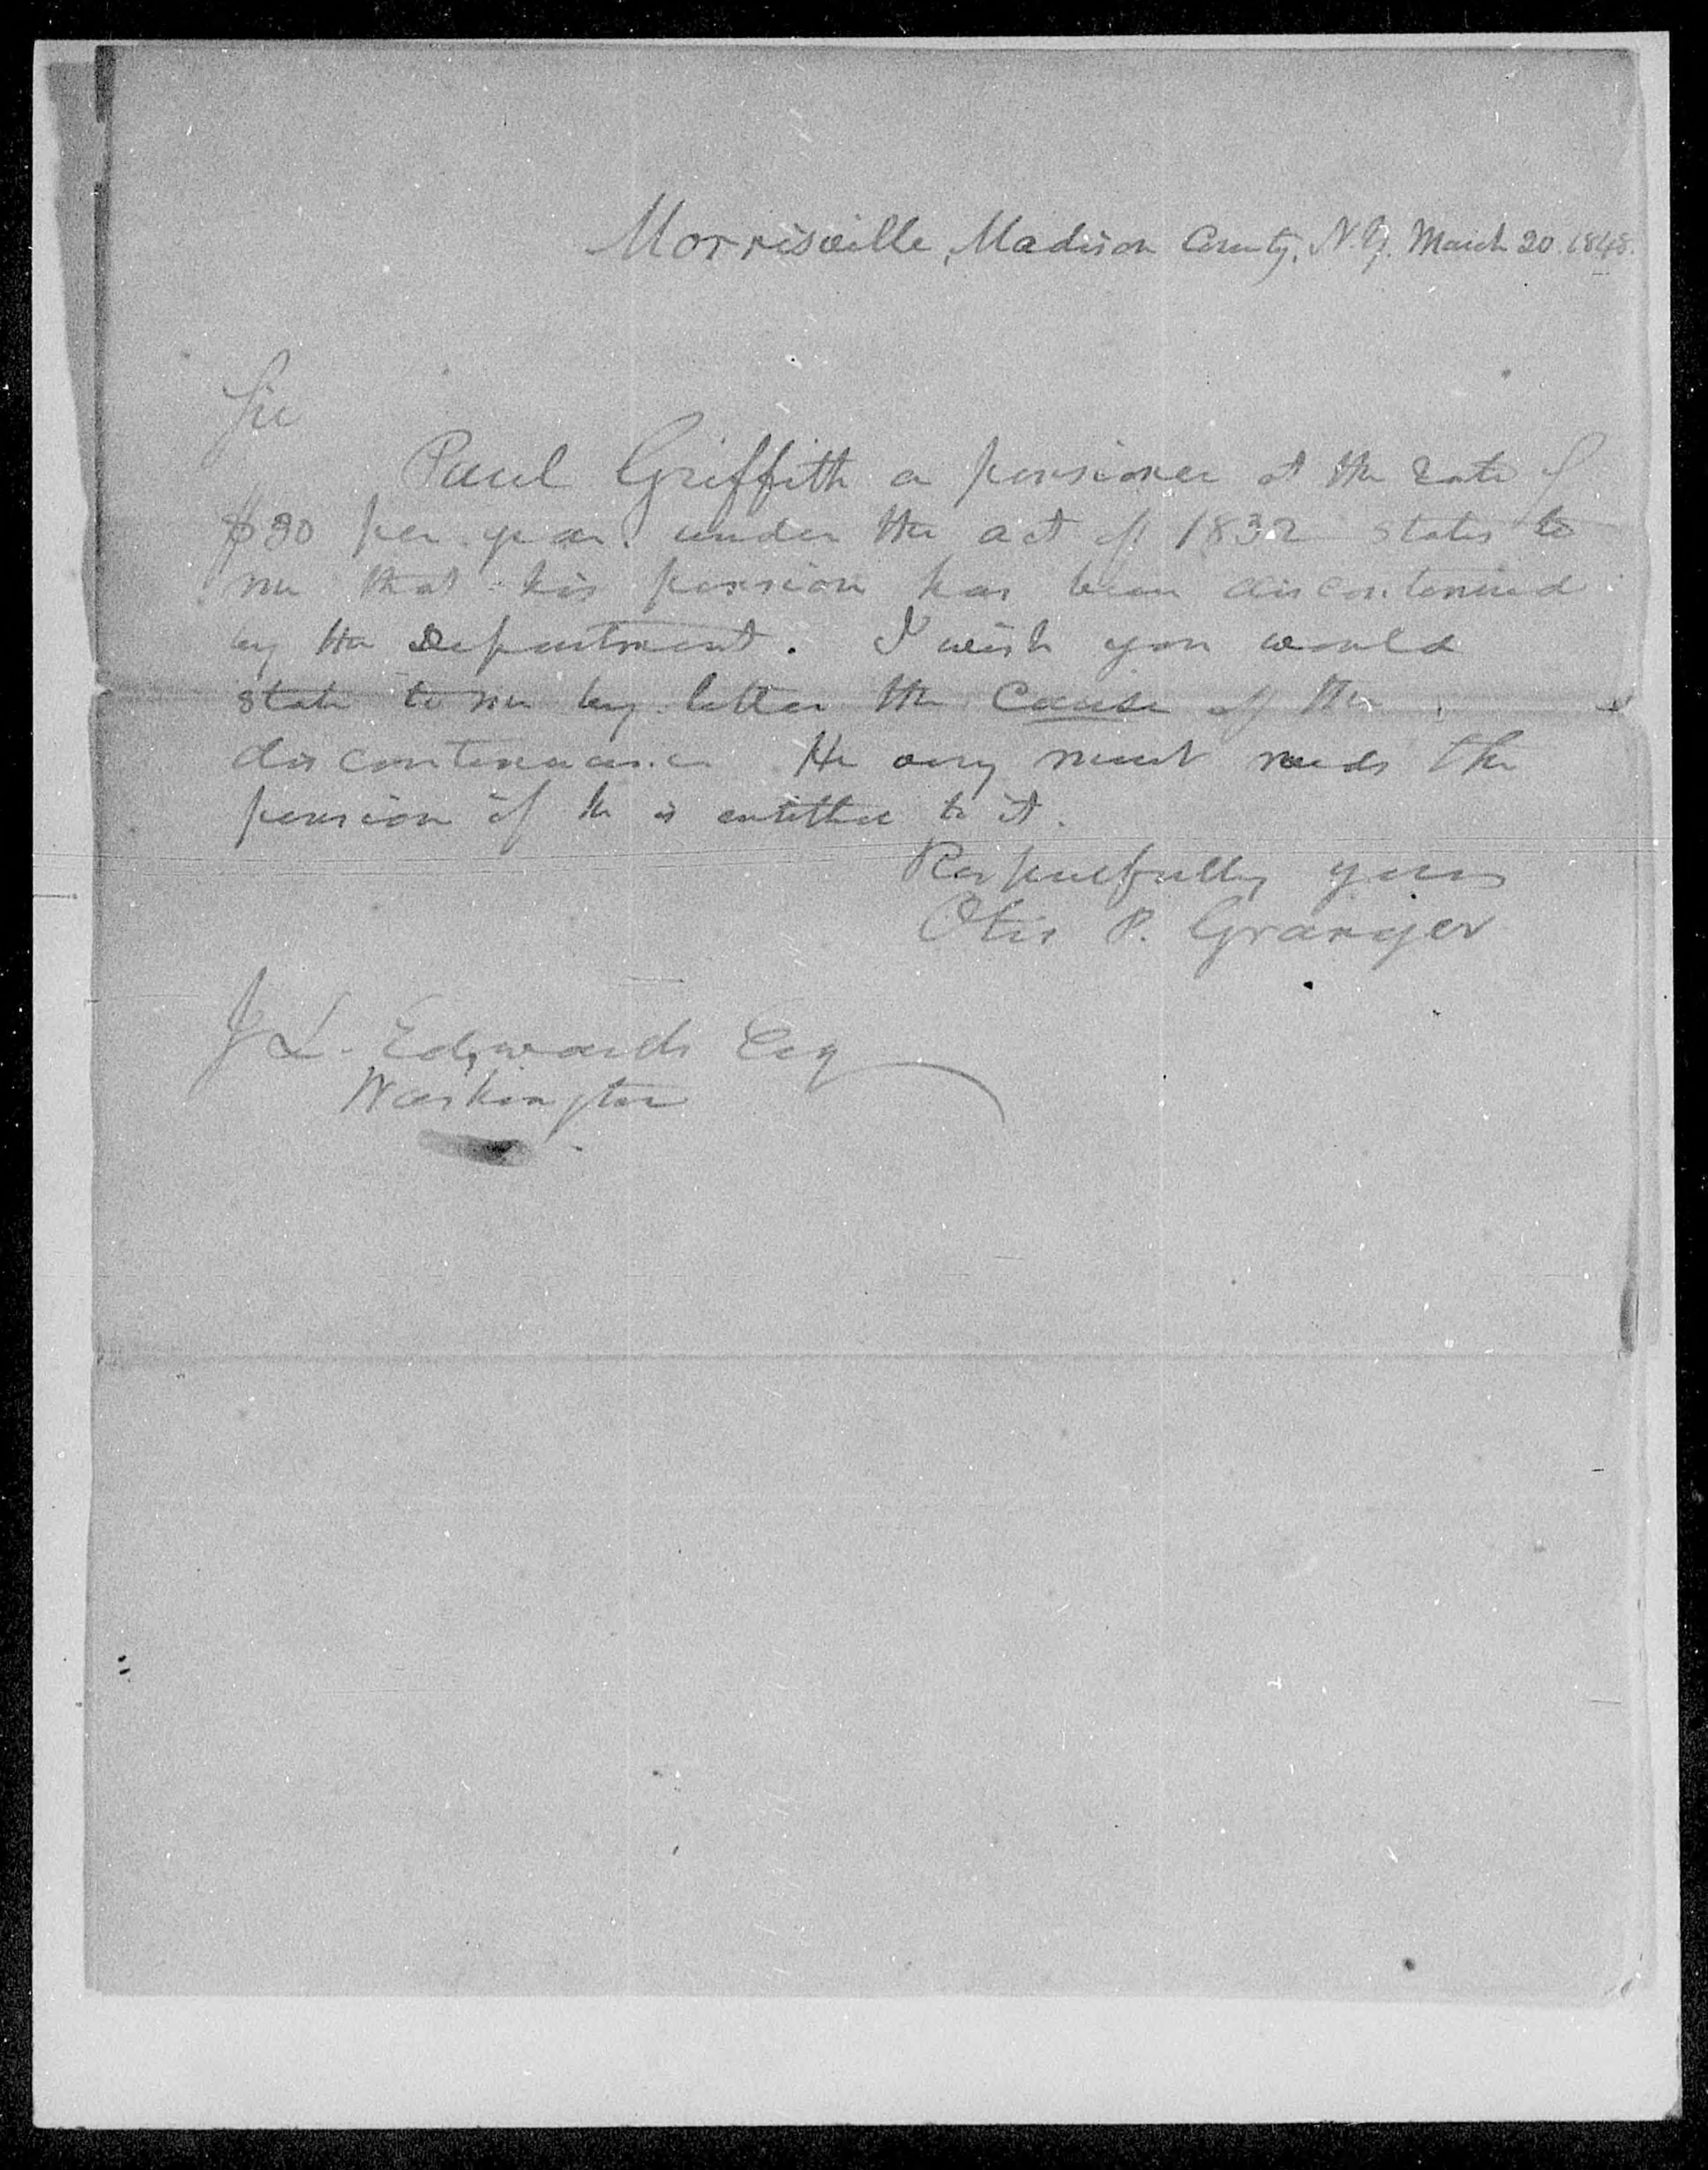Morrisville, Madison County, N.Y. March 20 1848
Sir
Paul Griffith a pensioner at the rate of
$30 per year under the act of 1832 States to
me that his pension has been discontinued
by the Department. I wish you would
state to me by letter the cause of the
discontinuance. He very much needs the
pension if he is entitled to it.
Respectfully yours
Otis P. Granger
J L. Edwards Esq.
Washington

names: Paul Griffith, J L Edwards, Otis P Granger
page: 47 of 61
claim: survivor's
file: S. 22798, Paul Griffiths, R.I.